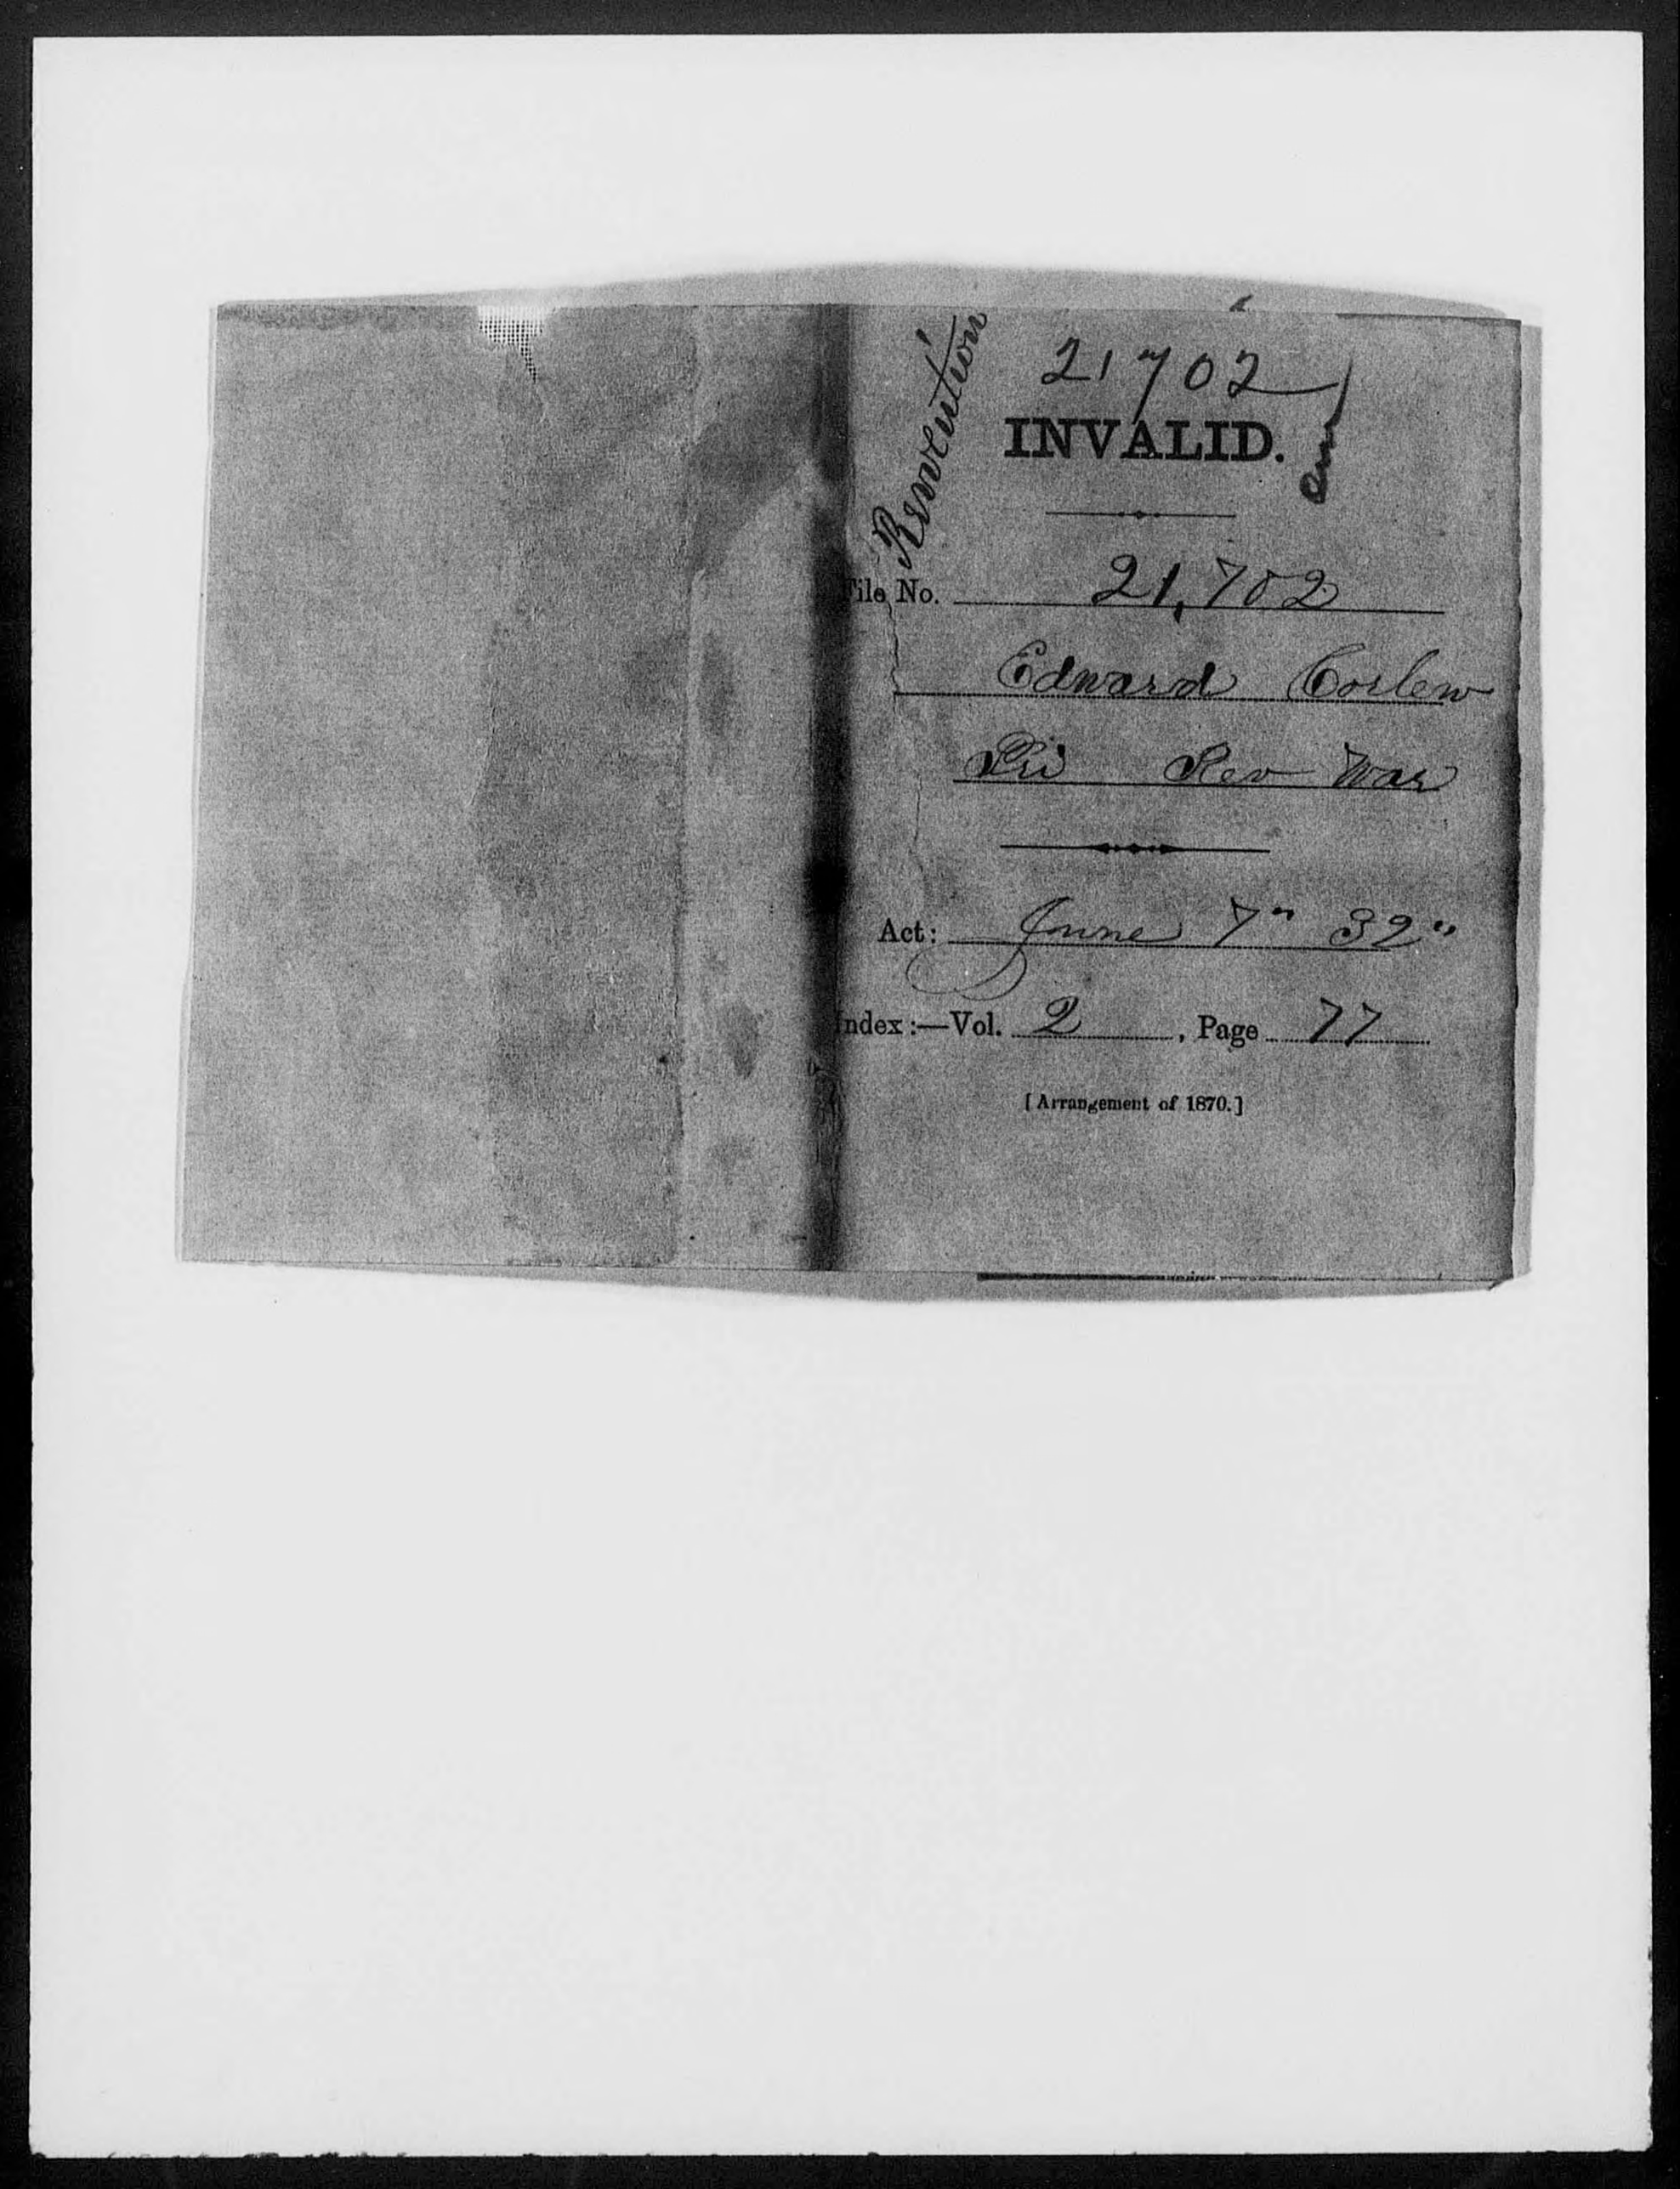Revolution
21702
INVALID.
[initials: own]
File No. 21,702
Edward Corlew
Pri Rev War
______
Act: June 7th 32"
Index: - Vol. 2, Page 77
[Arrangement of 1870.]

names: Edward Corlew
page: 9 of 18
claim: survivor's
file: S. 21,702, Edward Corlew, Vt.